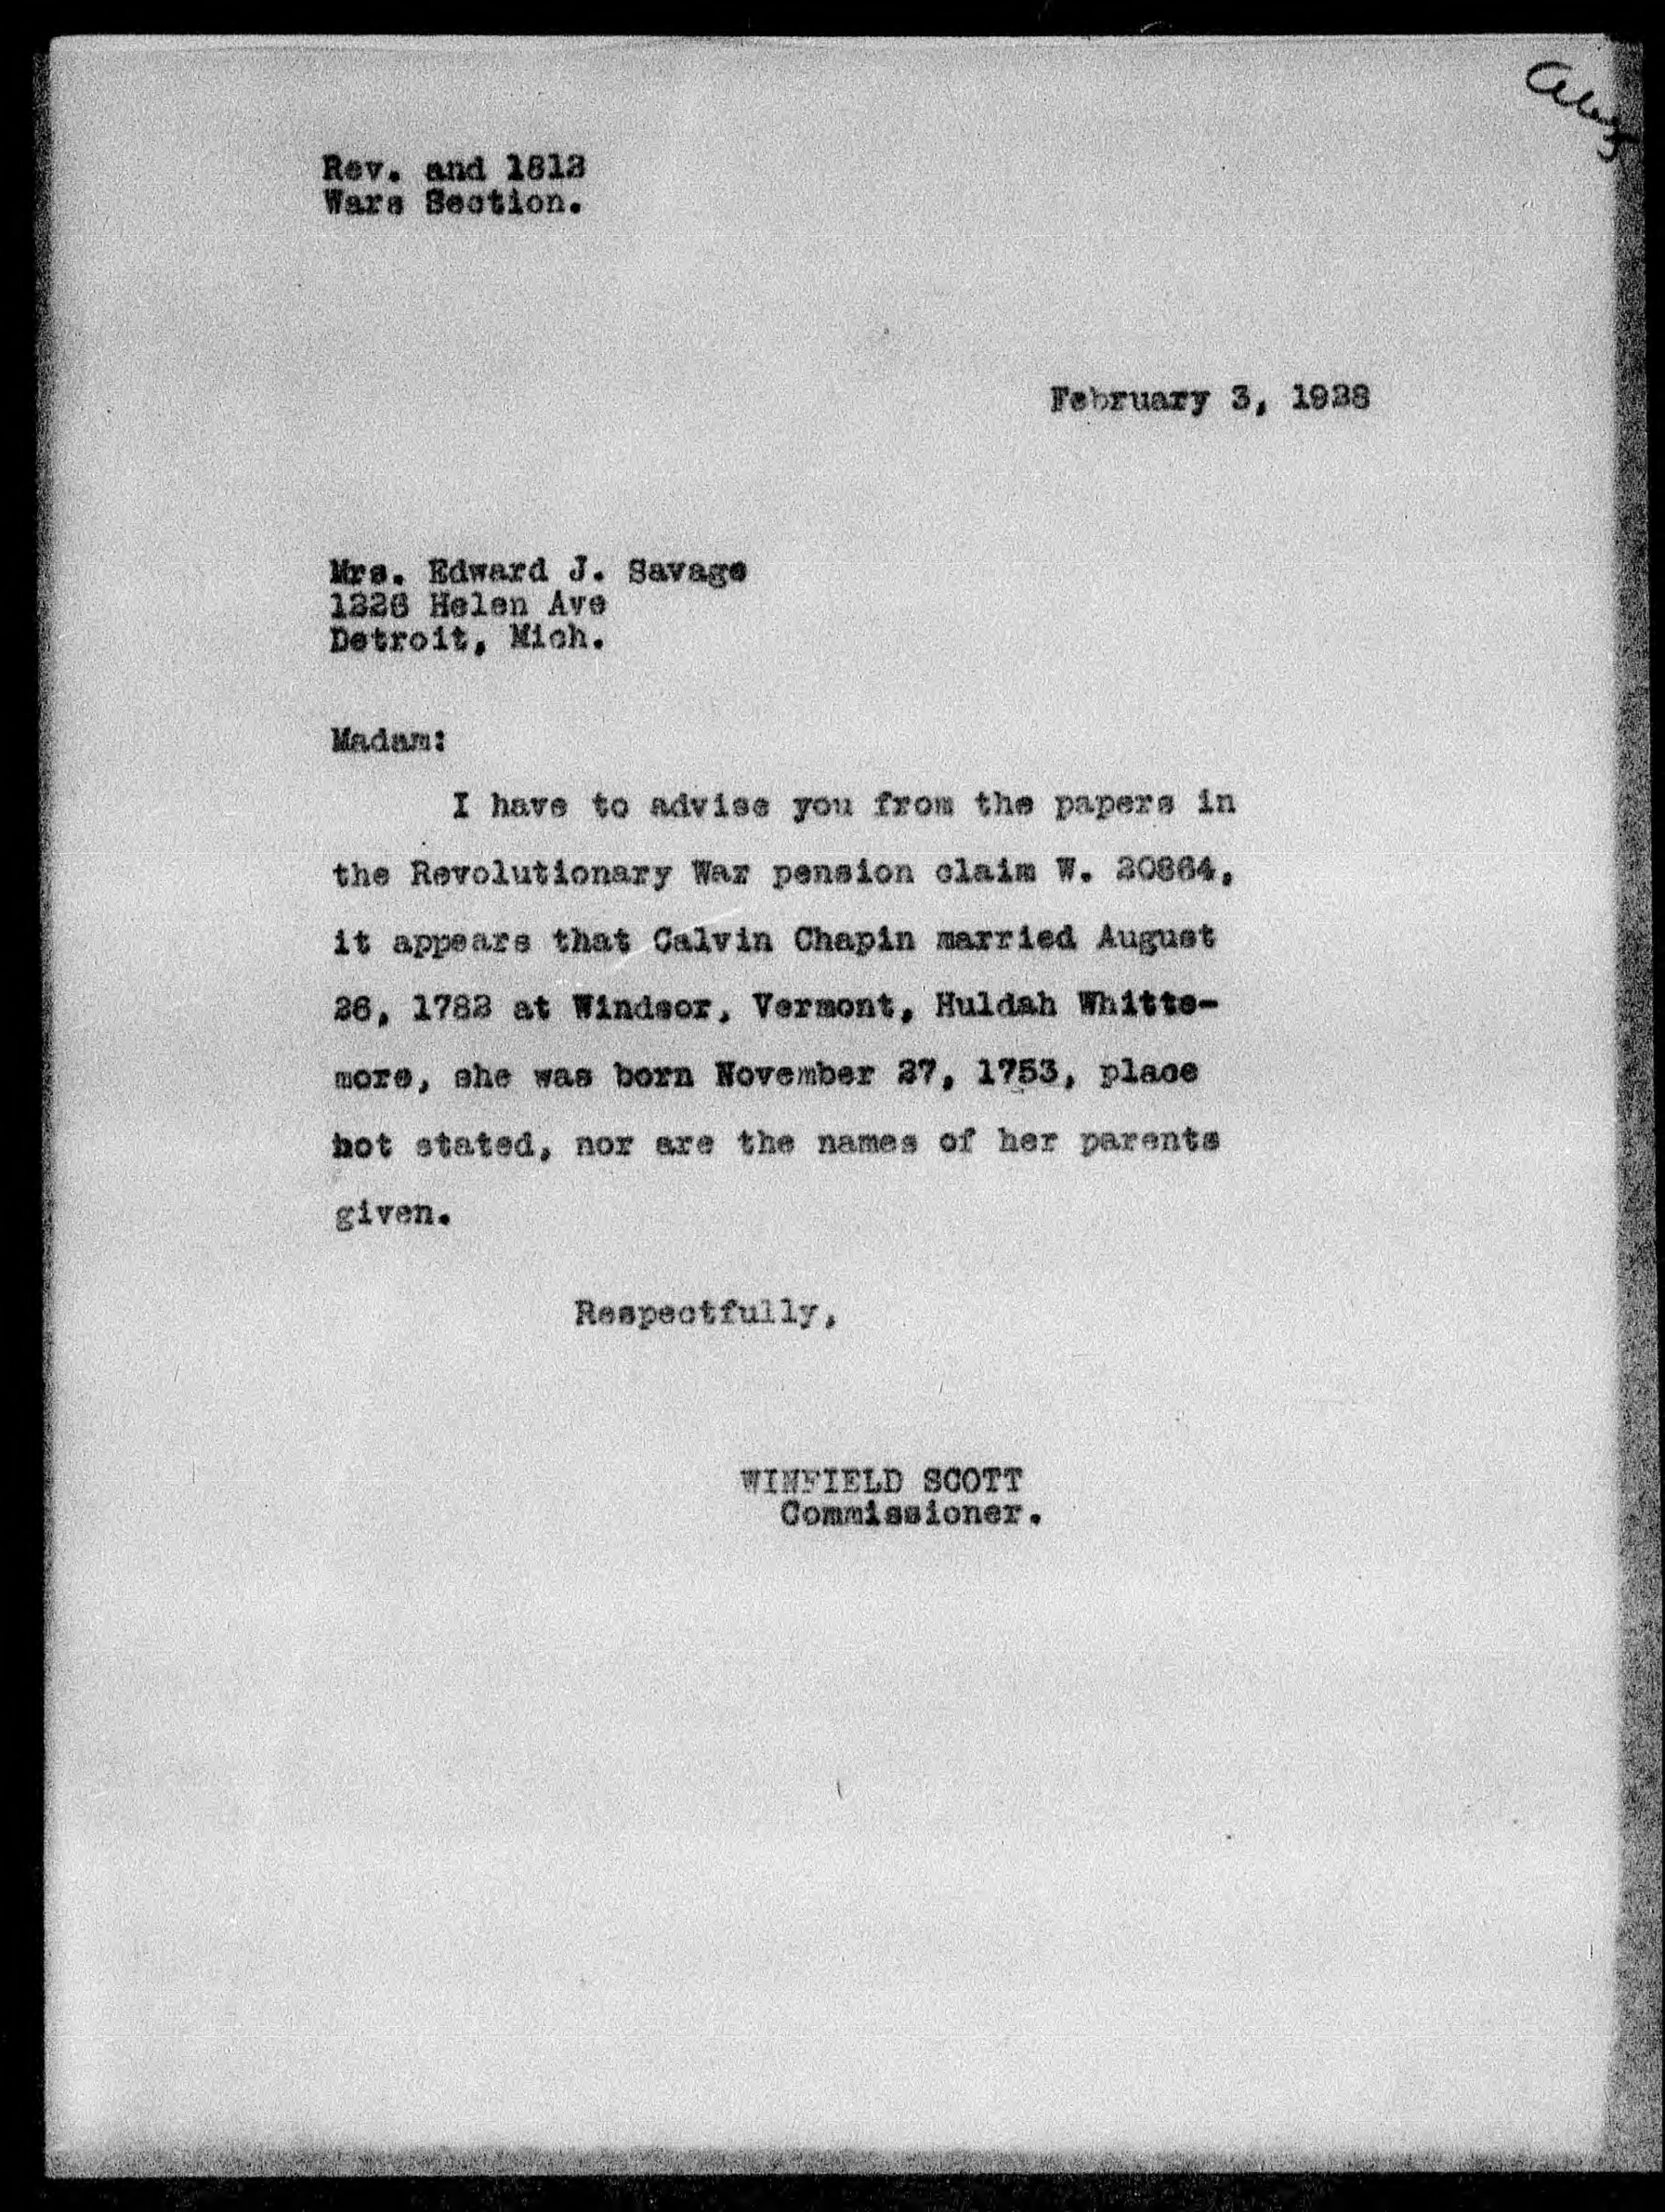[typewritten letter]
[annotated initials: AWF]

Rev. and 1812 Wars Section.

February 3, 1928

Mrs. Edward J. Savage
1226 Helen Ave
Detroit, Mich.

Madam:

I have to advise you from the papers in the Revolutionary War pension claim W. 20864, it appears that Calvin Chapin married August 26, 1782 at Windsor, Vermont, Huldah Whittemore, she was born November 27, 1753, place not stated, nor are the names of her parents given.

Respectfully,
WINFIELD SCOTT
Commissioner.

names: Huldah Whittemore, Edward J Savage, Calvin Chapin, Winfield Scott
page: 35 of 35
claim: widow's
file: W. 20,864, Calvin Chapin, Mass. Vt.